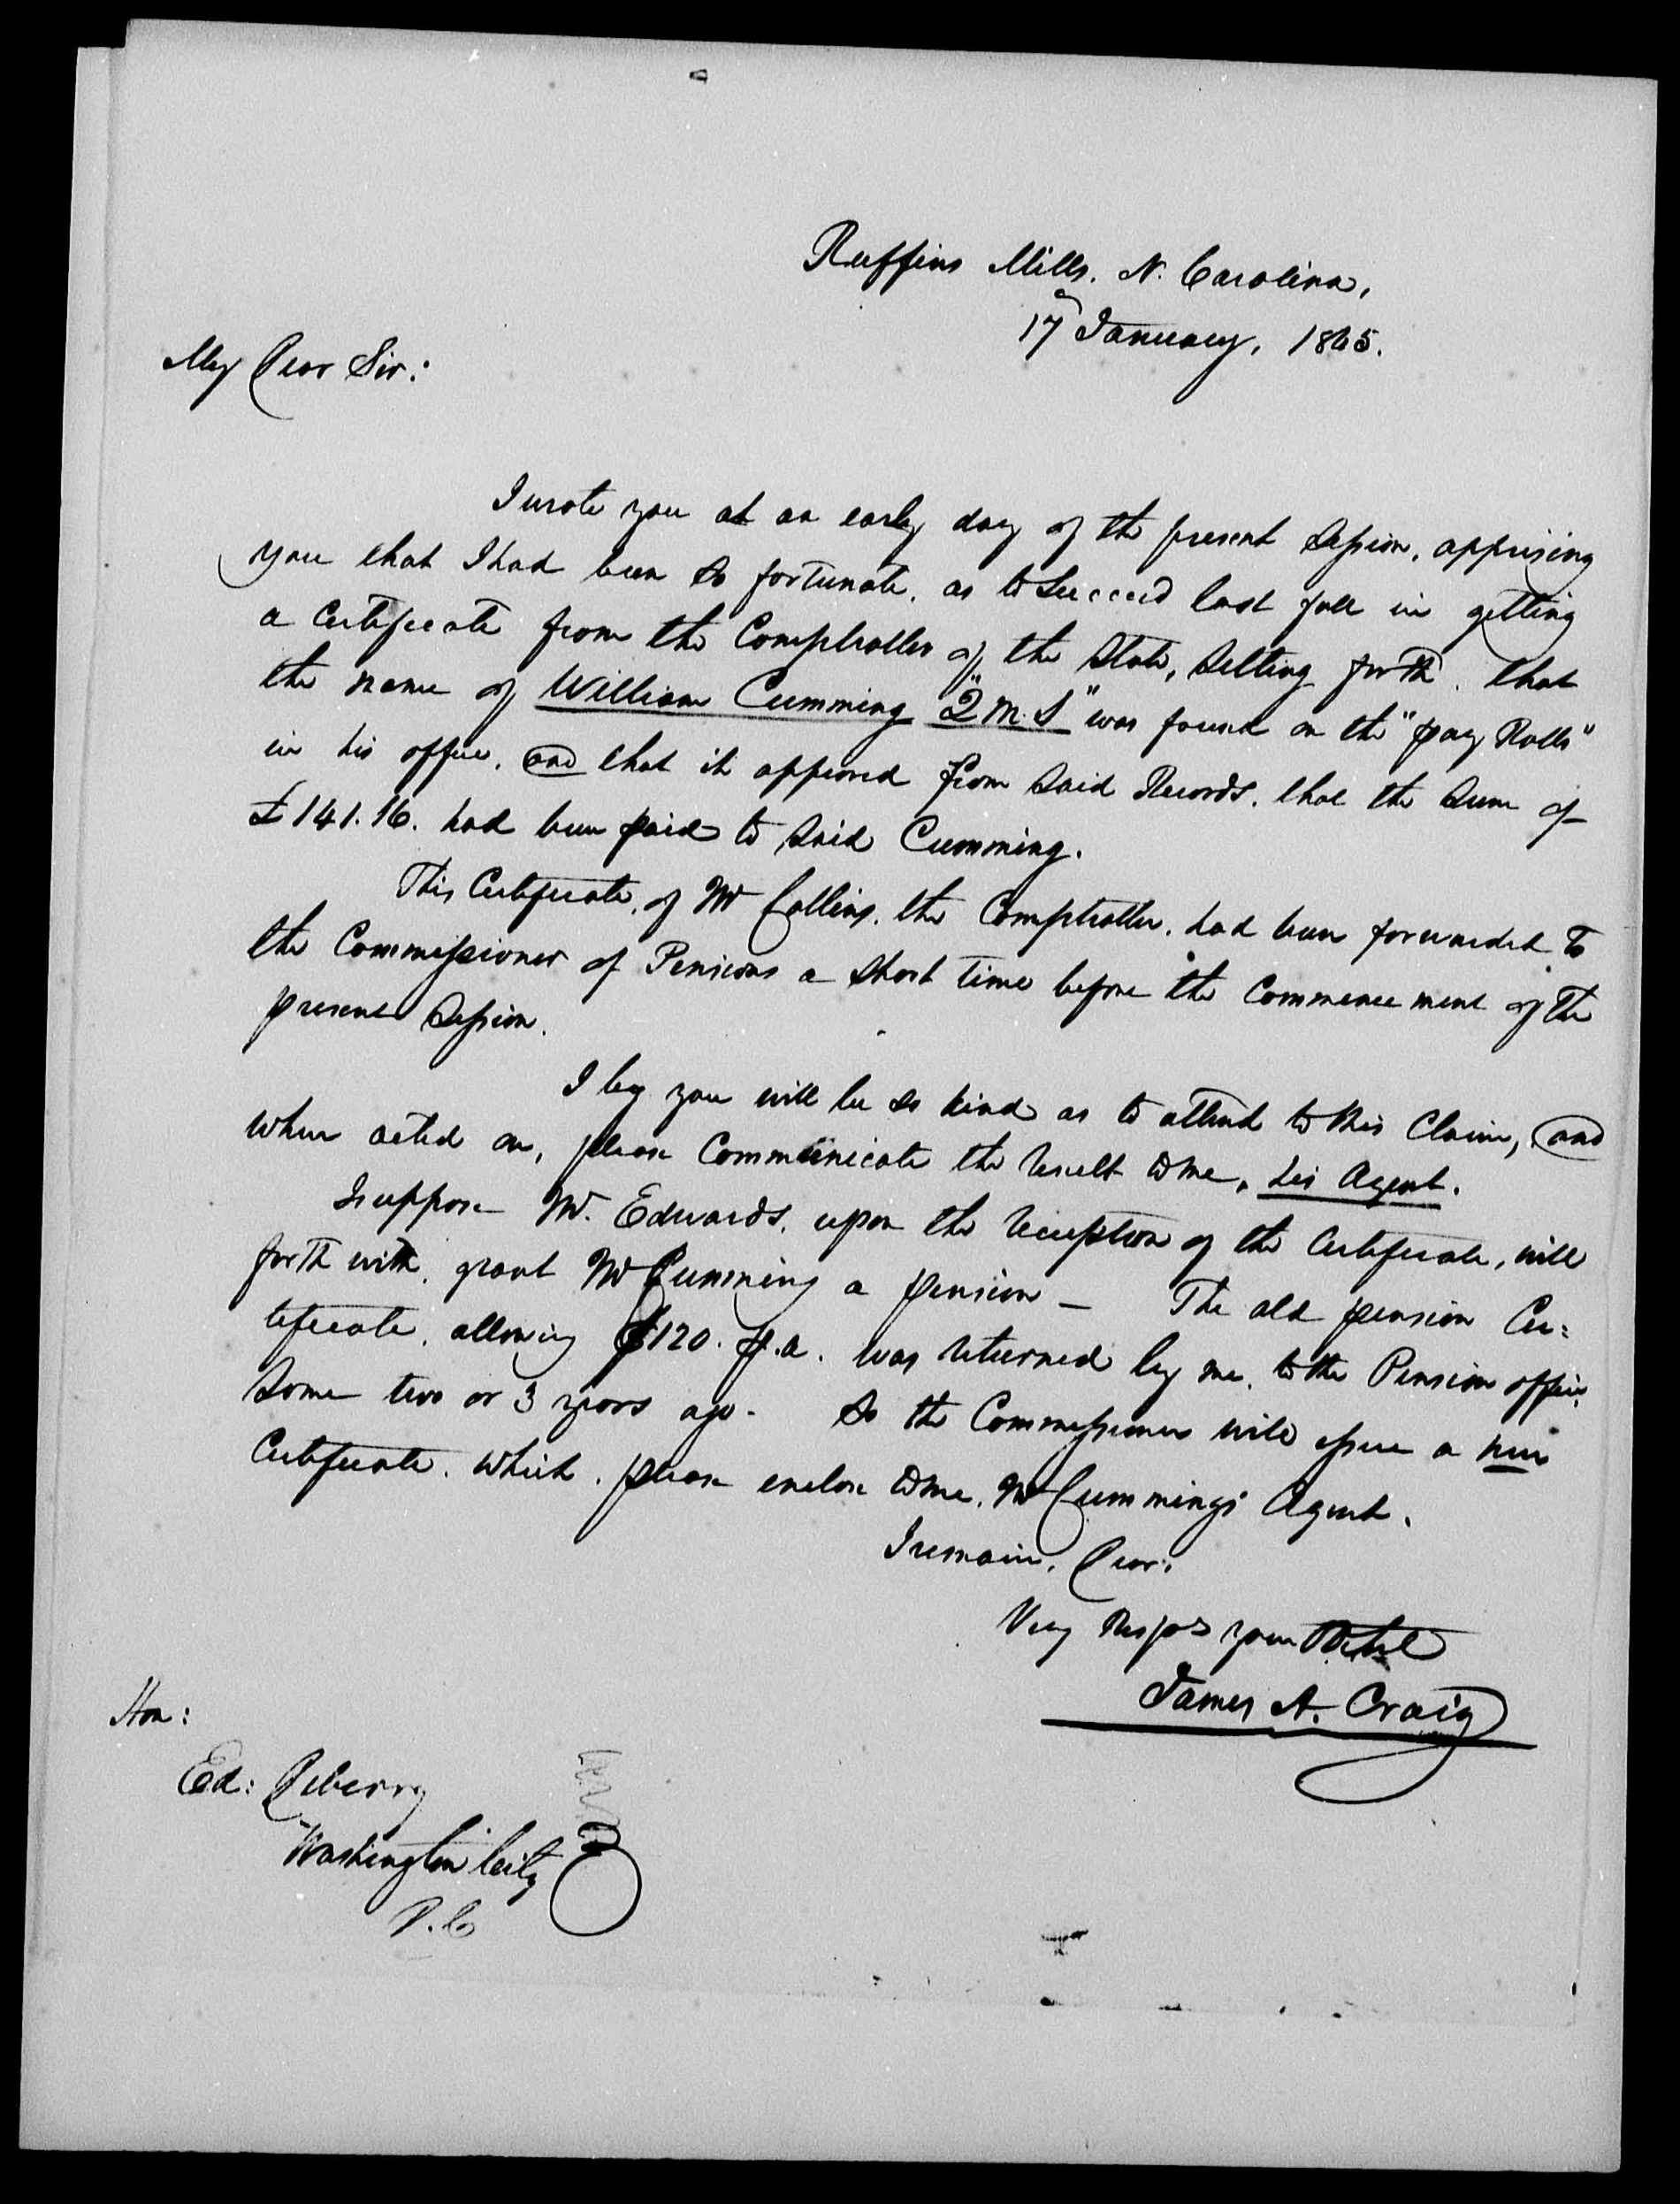[Handwritten letter]

Ruffins Mills, N. Carolina,
17 January, 1845.

My Dear Sir:

I wrote you at an early day of the present Session, apprising you that I had been So fortunate, as to Succeed last fall in getting a Certificate from the Comptroller of the State, Setting forth that the name of [here the name and rank are underlined] William Cumming "2MS" [Quarter Master Sergeant] was found on the "pay Rolls" in his office, and that it appeared from Said Records. that the Sum of [monetary pound sign] 141.16 had been paid to Said Cumming.

This Certificate of Mr. [or ? Wm] Collins. the Comptroller, had been forwarded to the Commissioner of Pensions a short time before the Commencement of the present Session.

I beg you will be so kind as to attend to this Claim, and when acted on, please Communicate the result to me, [the next two words are underlined] his Agent. 

I suppose Mr. Edwards, upon the [?] receipton [? reception, possibly meaning receipt] of the Certificate, will forth with grant Mr Cumming a pension _ The old pension Certificate allowing $120 p.a. [per annum] was returned by me to the Pension office Some two or 3 years ago.  So the Commissioners will issue a [here the next word is underlined] new Certificate which please enclose to me, Mr Cummings' Agent.

I remain, Your [or D sir, possibly meaning Dear sir] 
Very resp_ your ObSert [Very Respectfully Your Obedient Servant]
[Signature with underline] James A. Craig 

Hon:
Ed: [possibly meaning Edward] Seberry [or Deberry]
Washington City
DC  [flourish]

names: William Cumming, James A Craig, Collins, Cumming, Edwards, Cumming, Ed Deberry, Cummings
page: 72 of 145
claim: survivor's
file: S. 8265, William Cumming, N.C.